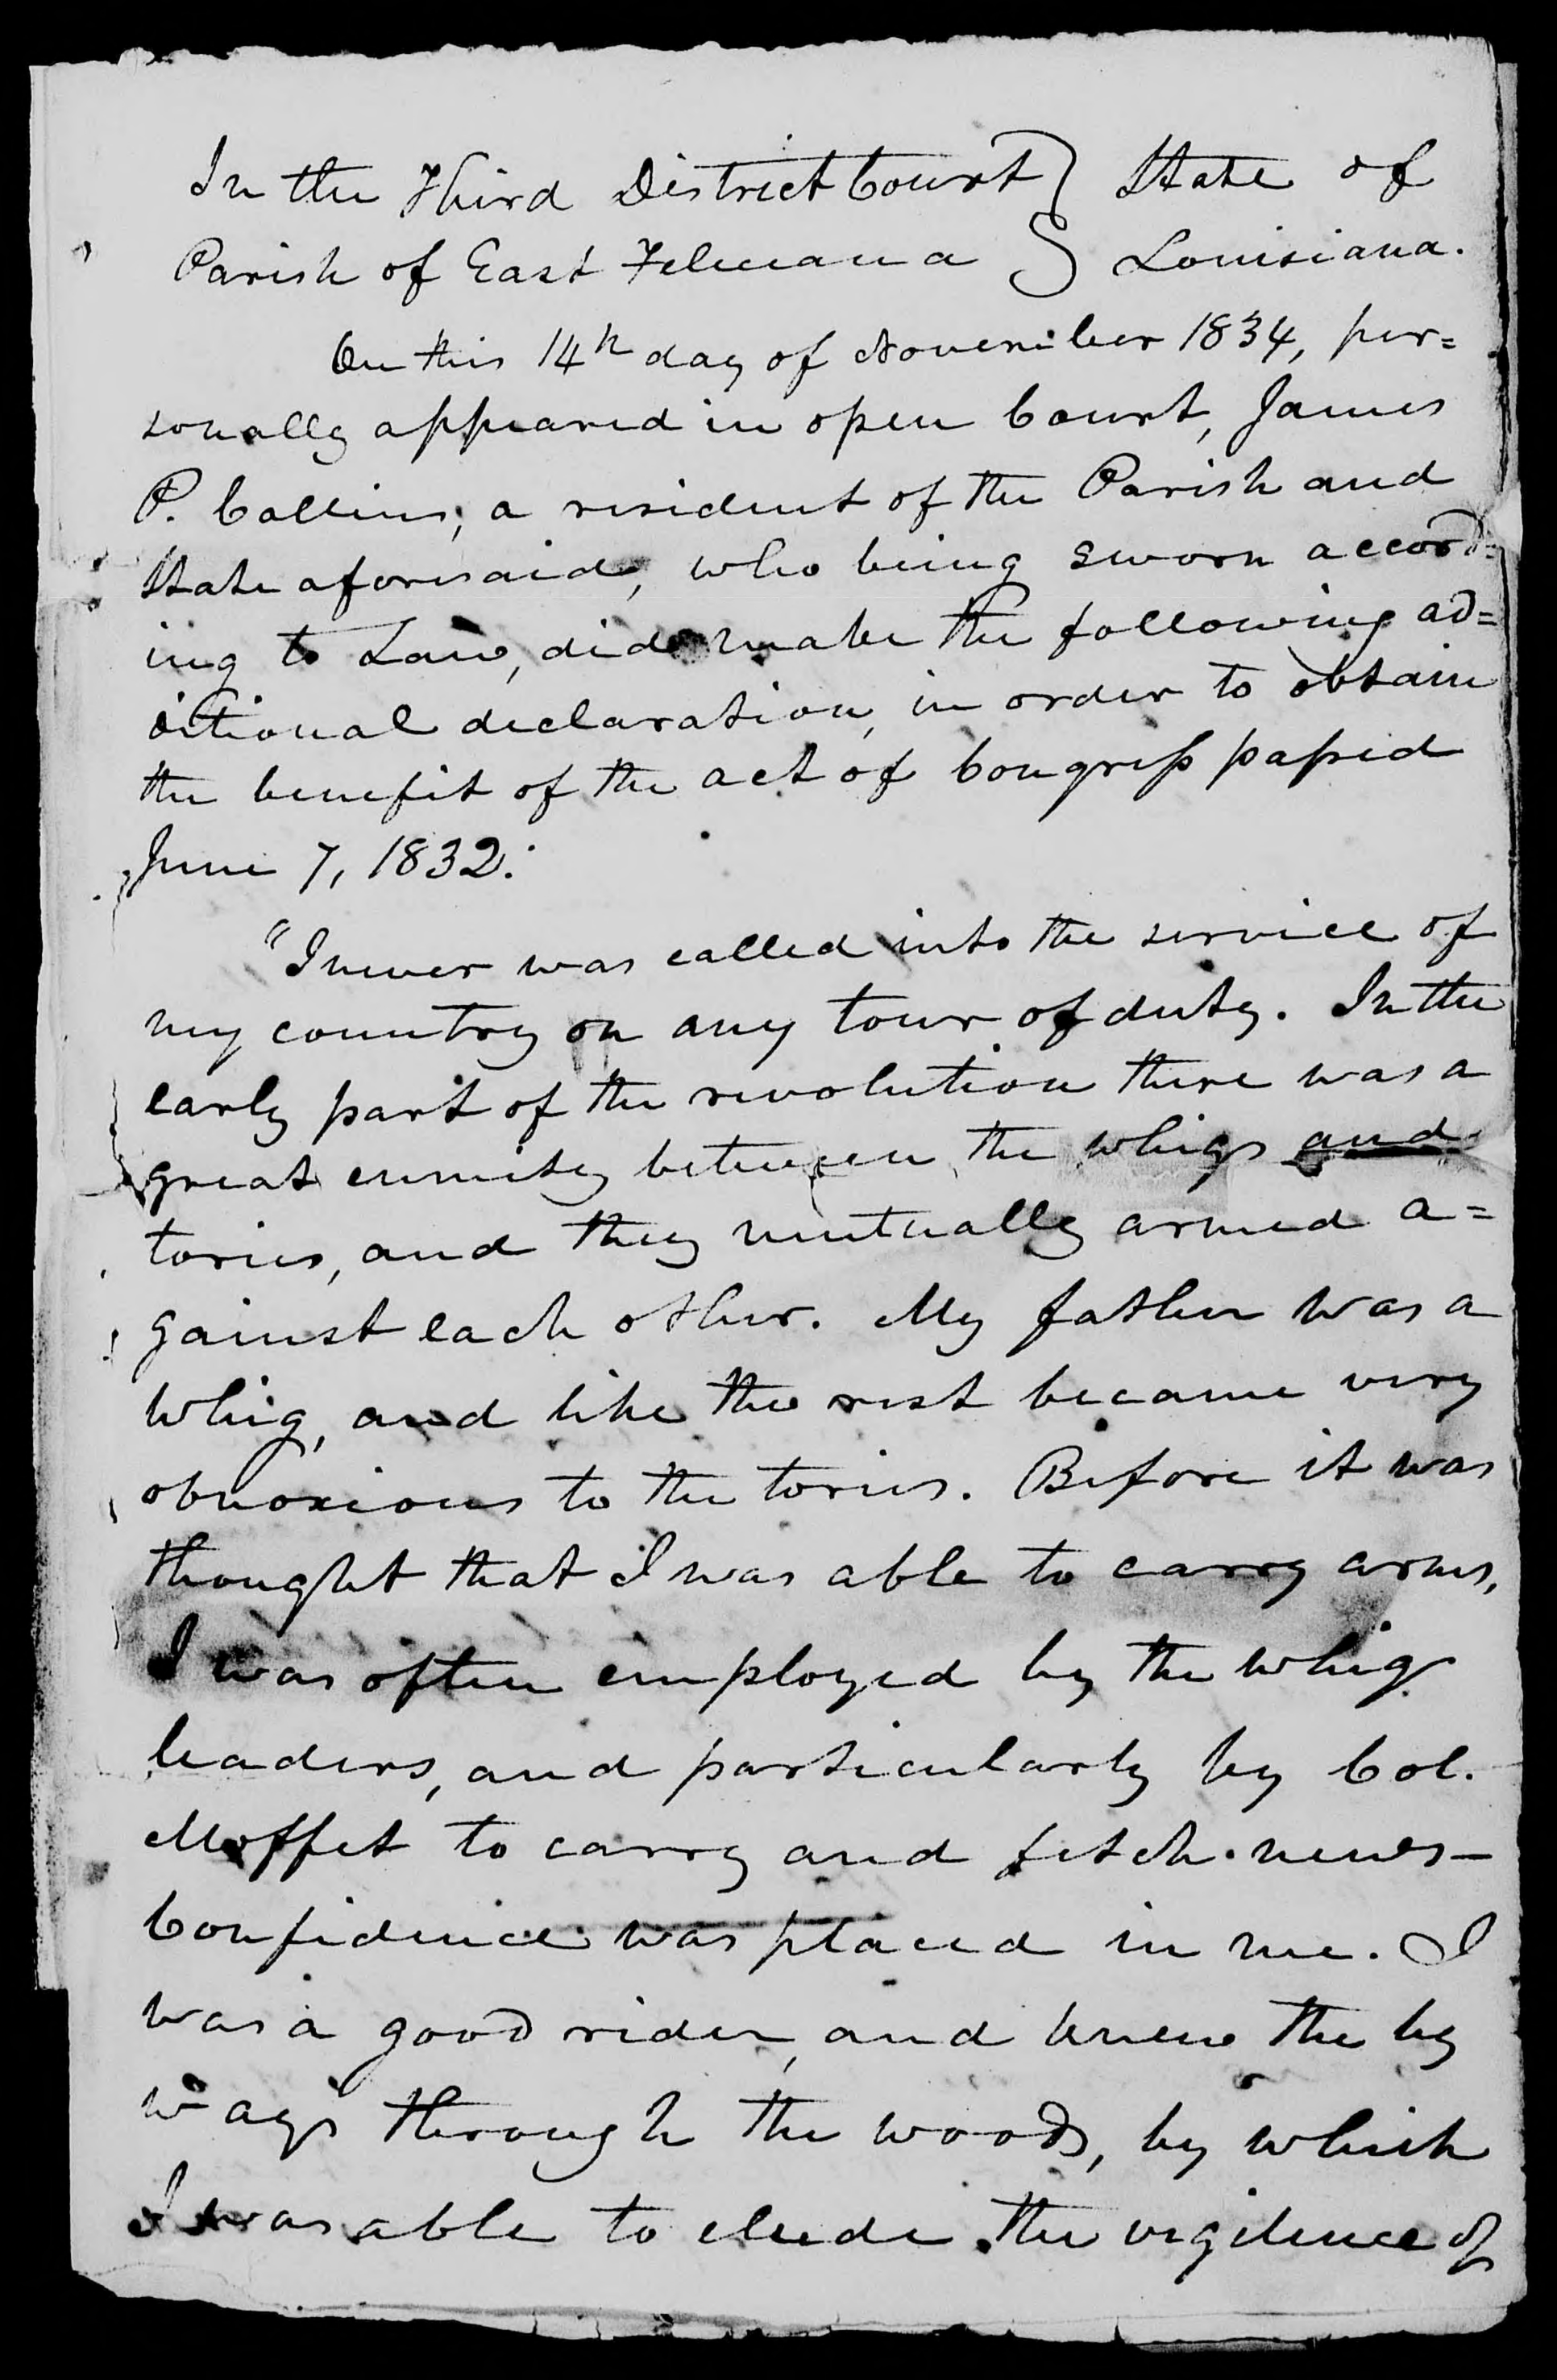In the Third District Court Parish of East Feliciana
State of Louisiana
On this 14th day of November 1834, personally appeared in open Court, James P. Collins, a resident of the Parish and state aforesaid, who being sworn according to law, did make the following adtional declaration in order to obtain the benefit of the act of Congress passed
June 7, 1832.

"I never was called into the service of my country on any tour of duty. In the early part of the revolution there was a great enmity between the Whig and Tories and they mutually armed against each other. My father was a Whig, and like the rest became very obnoxious to the Tories. Before it was thought that I was able to any arms, as often employed by the Whig leaders and particularly by Col. Moffit to carry and fetch news - Confidence was placed in me. I was a good rider, and knew the byways through the woods, by which I was able to elude the vigilance of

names: James P Collins, Moffit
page: 10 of 48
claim: rejected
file: R. 2173, James P Collins, S. C.